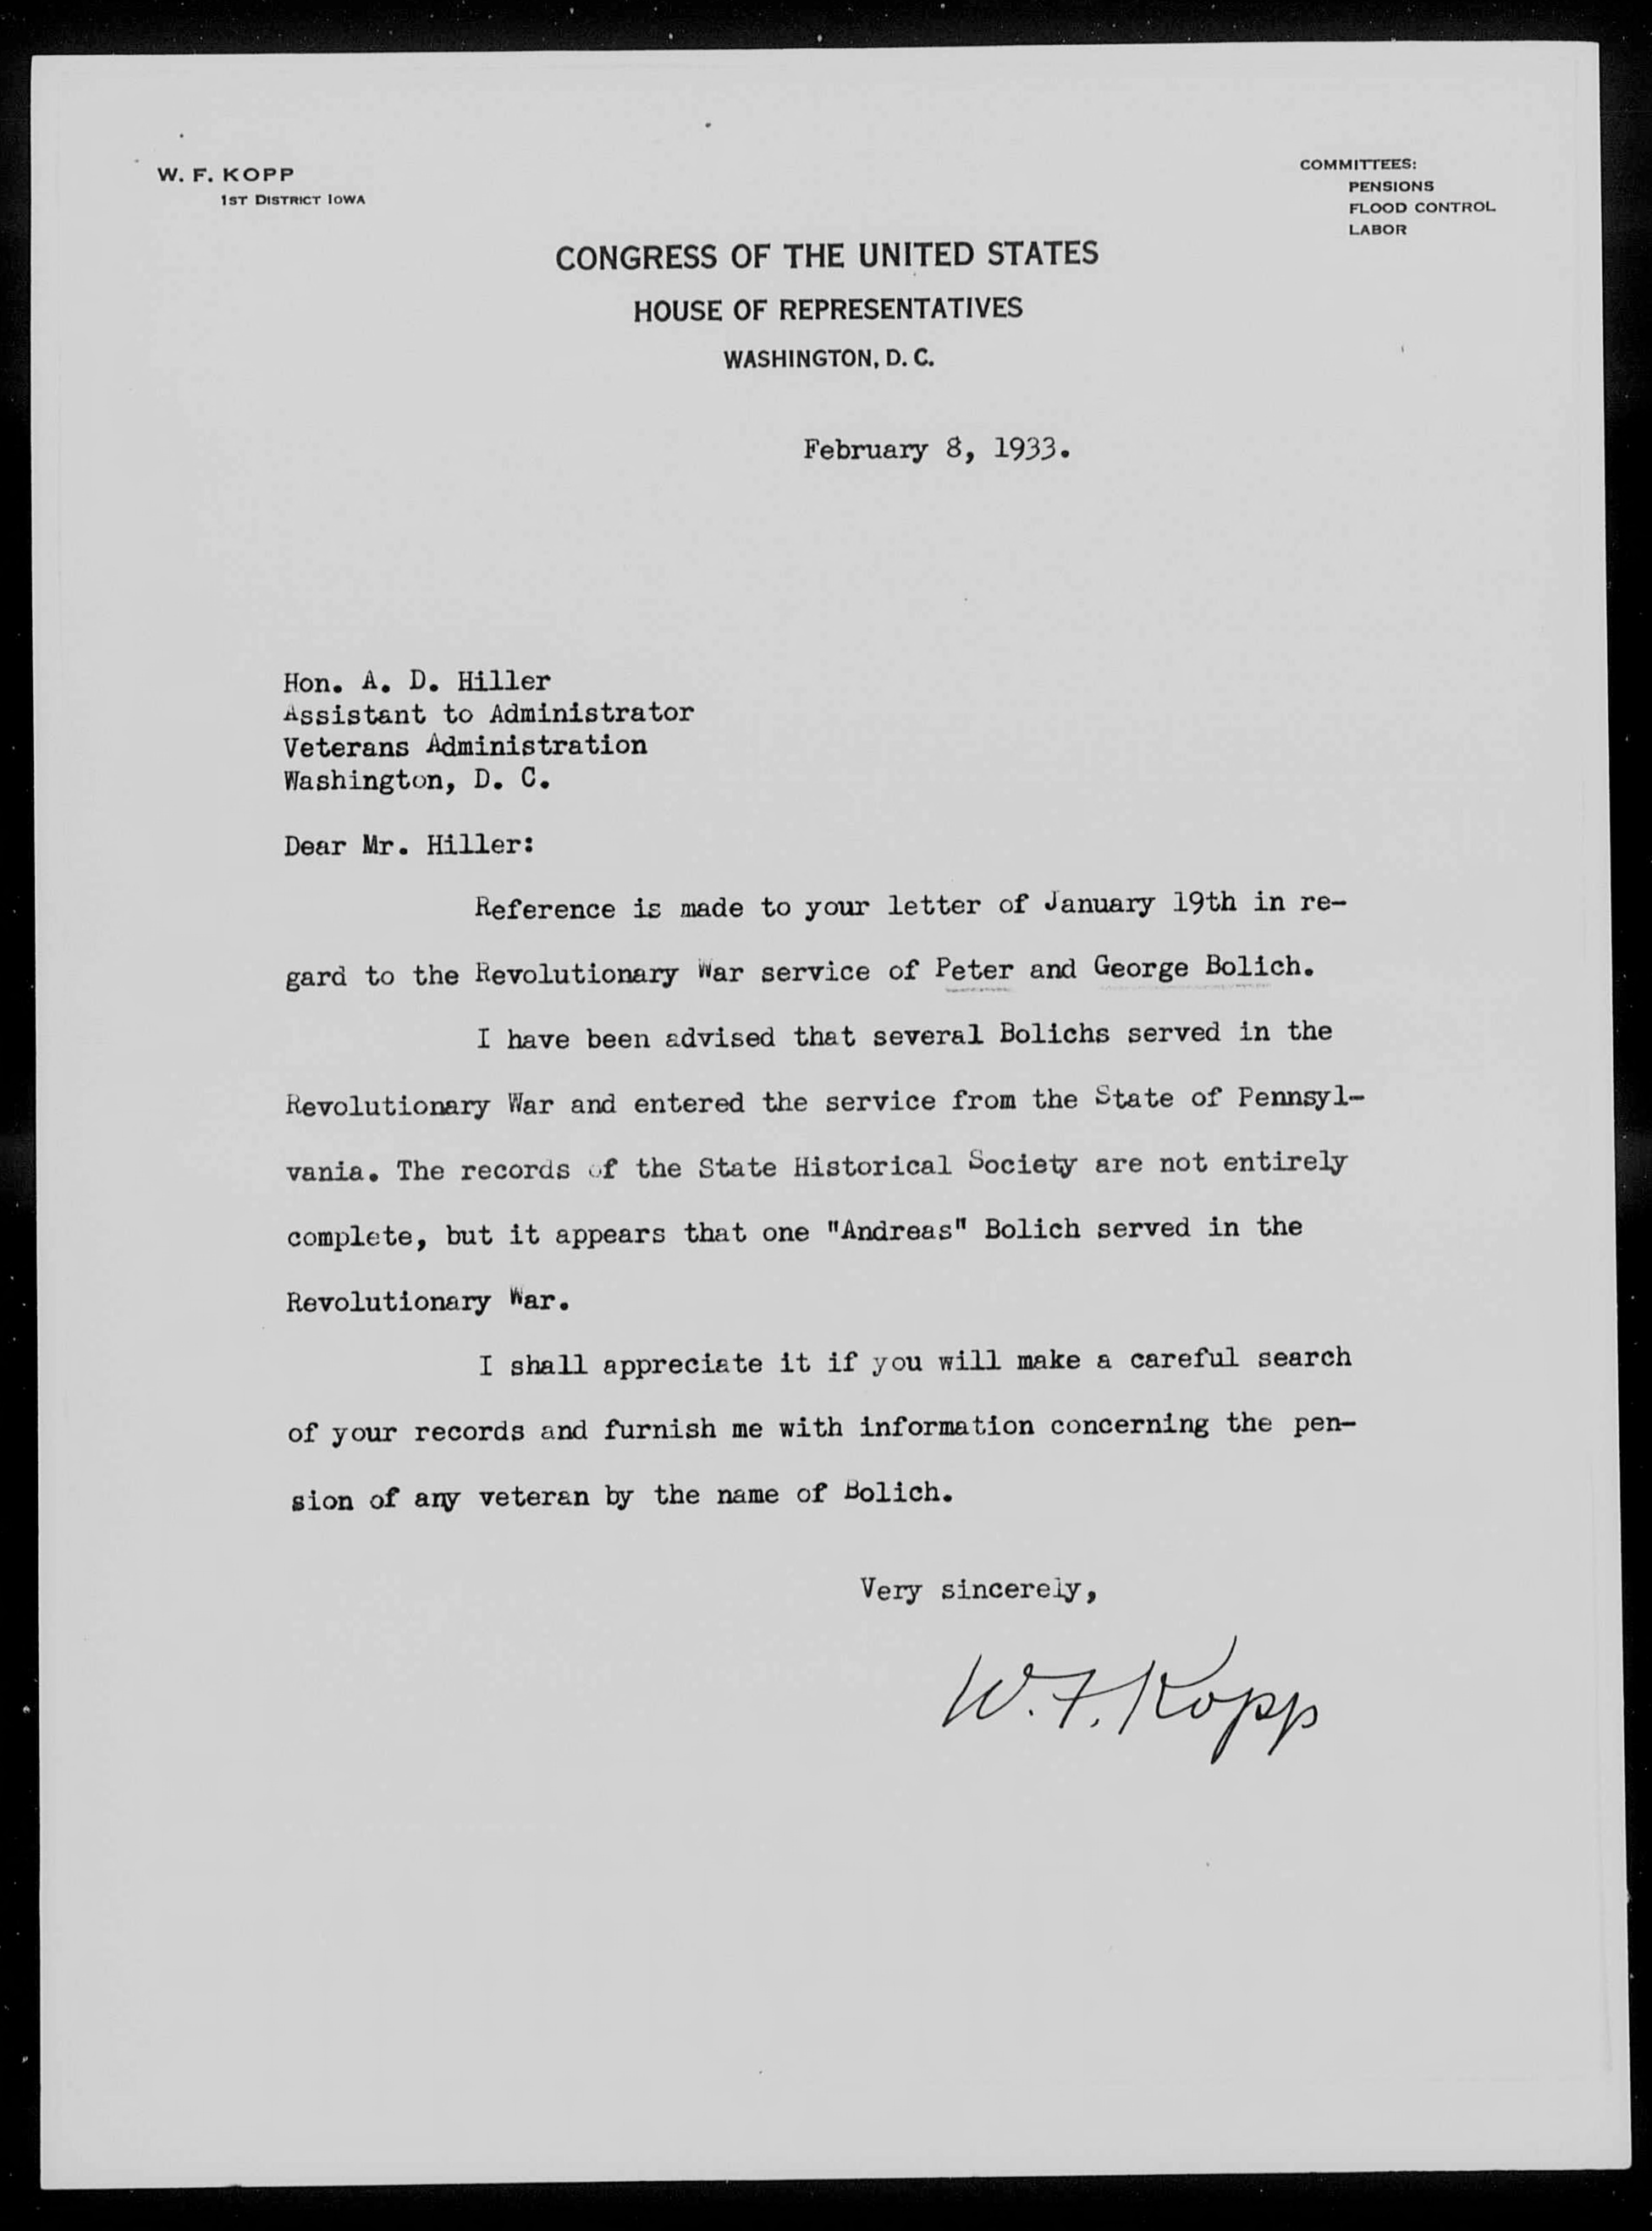W. F. KOPP
1ST DISTRICT IOWA

COMMITTEES:
PENSIONS
FLOOD CONTROL
LABOR

CONGRESS OF THE UNITED STATES
HOUSE OF REPRESENTATIVES
WASHINGTON, D. C. 

February 8, 1933.

Hon. A. D. Hiller
Assistant to Administrator
Veterans Administration
Washington, D. C.

Dear Mr. Hiller:

Reference is made to your letter of January 19th in regard to the Revolutionary War service of Peter and George Bolich. I have been advised that several Bolichs served in the
Revolutionary War and entered the service from the State of Pennsylvania. The records of the State Historical Society are not entirely
complete, but it appears that one " Andreas " Bolich served in the Revolutionary War.
I shall appreciate it if you will make a careful search of your records and furnish me with information concerning the pension of any veteran by the name of Bolich.
Very sincerely,
W.F. Kopp [Signature]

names: W F Kopp, George Bolich, Hiller, Peter Bolich, A D Hiller, Bolich, W F Kopp, Bolich, Andreas Bolich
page: 38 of 43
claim: widow's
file: W. 18,566, Casper Bolick, N.C.